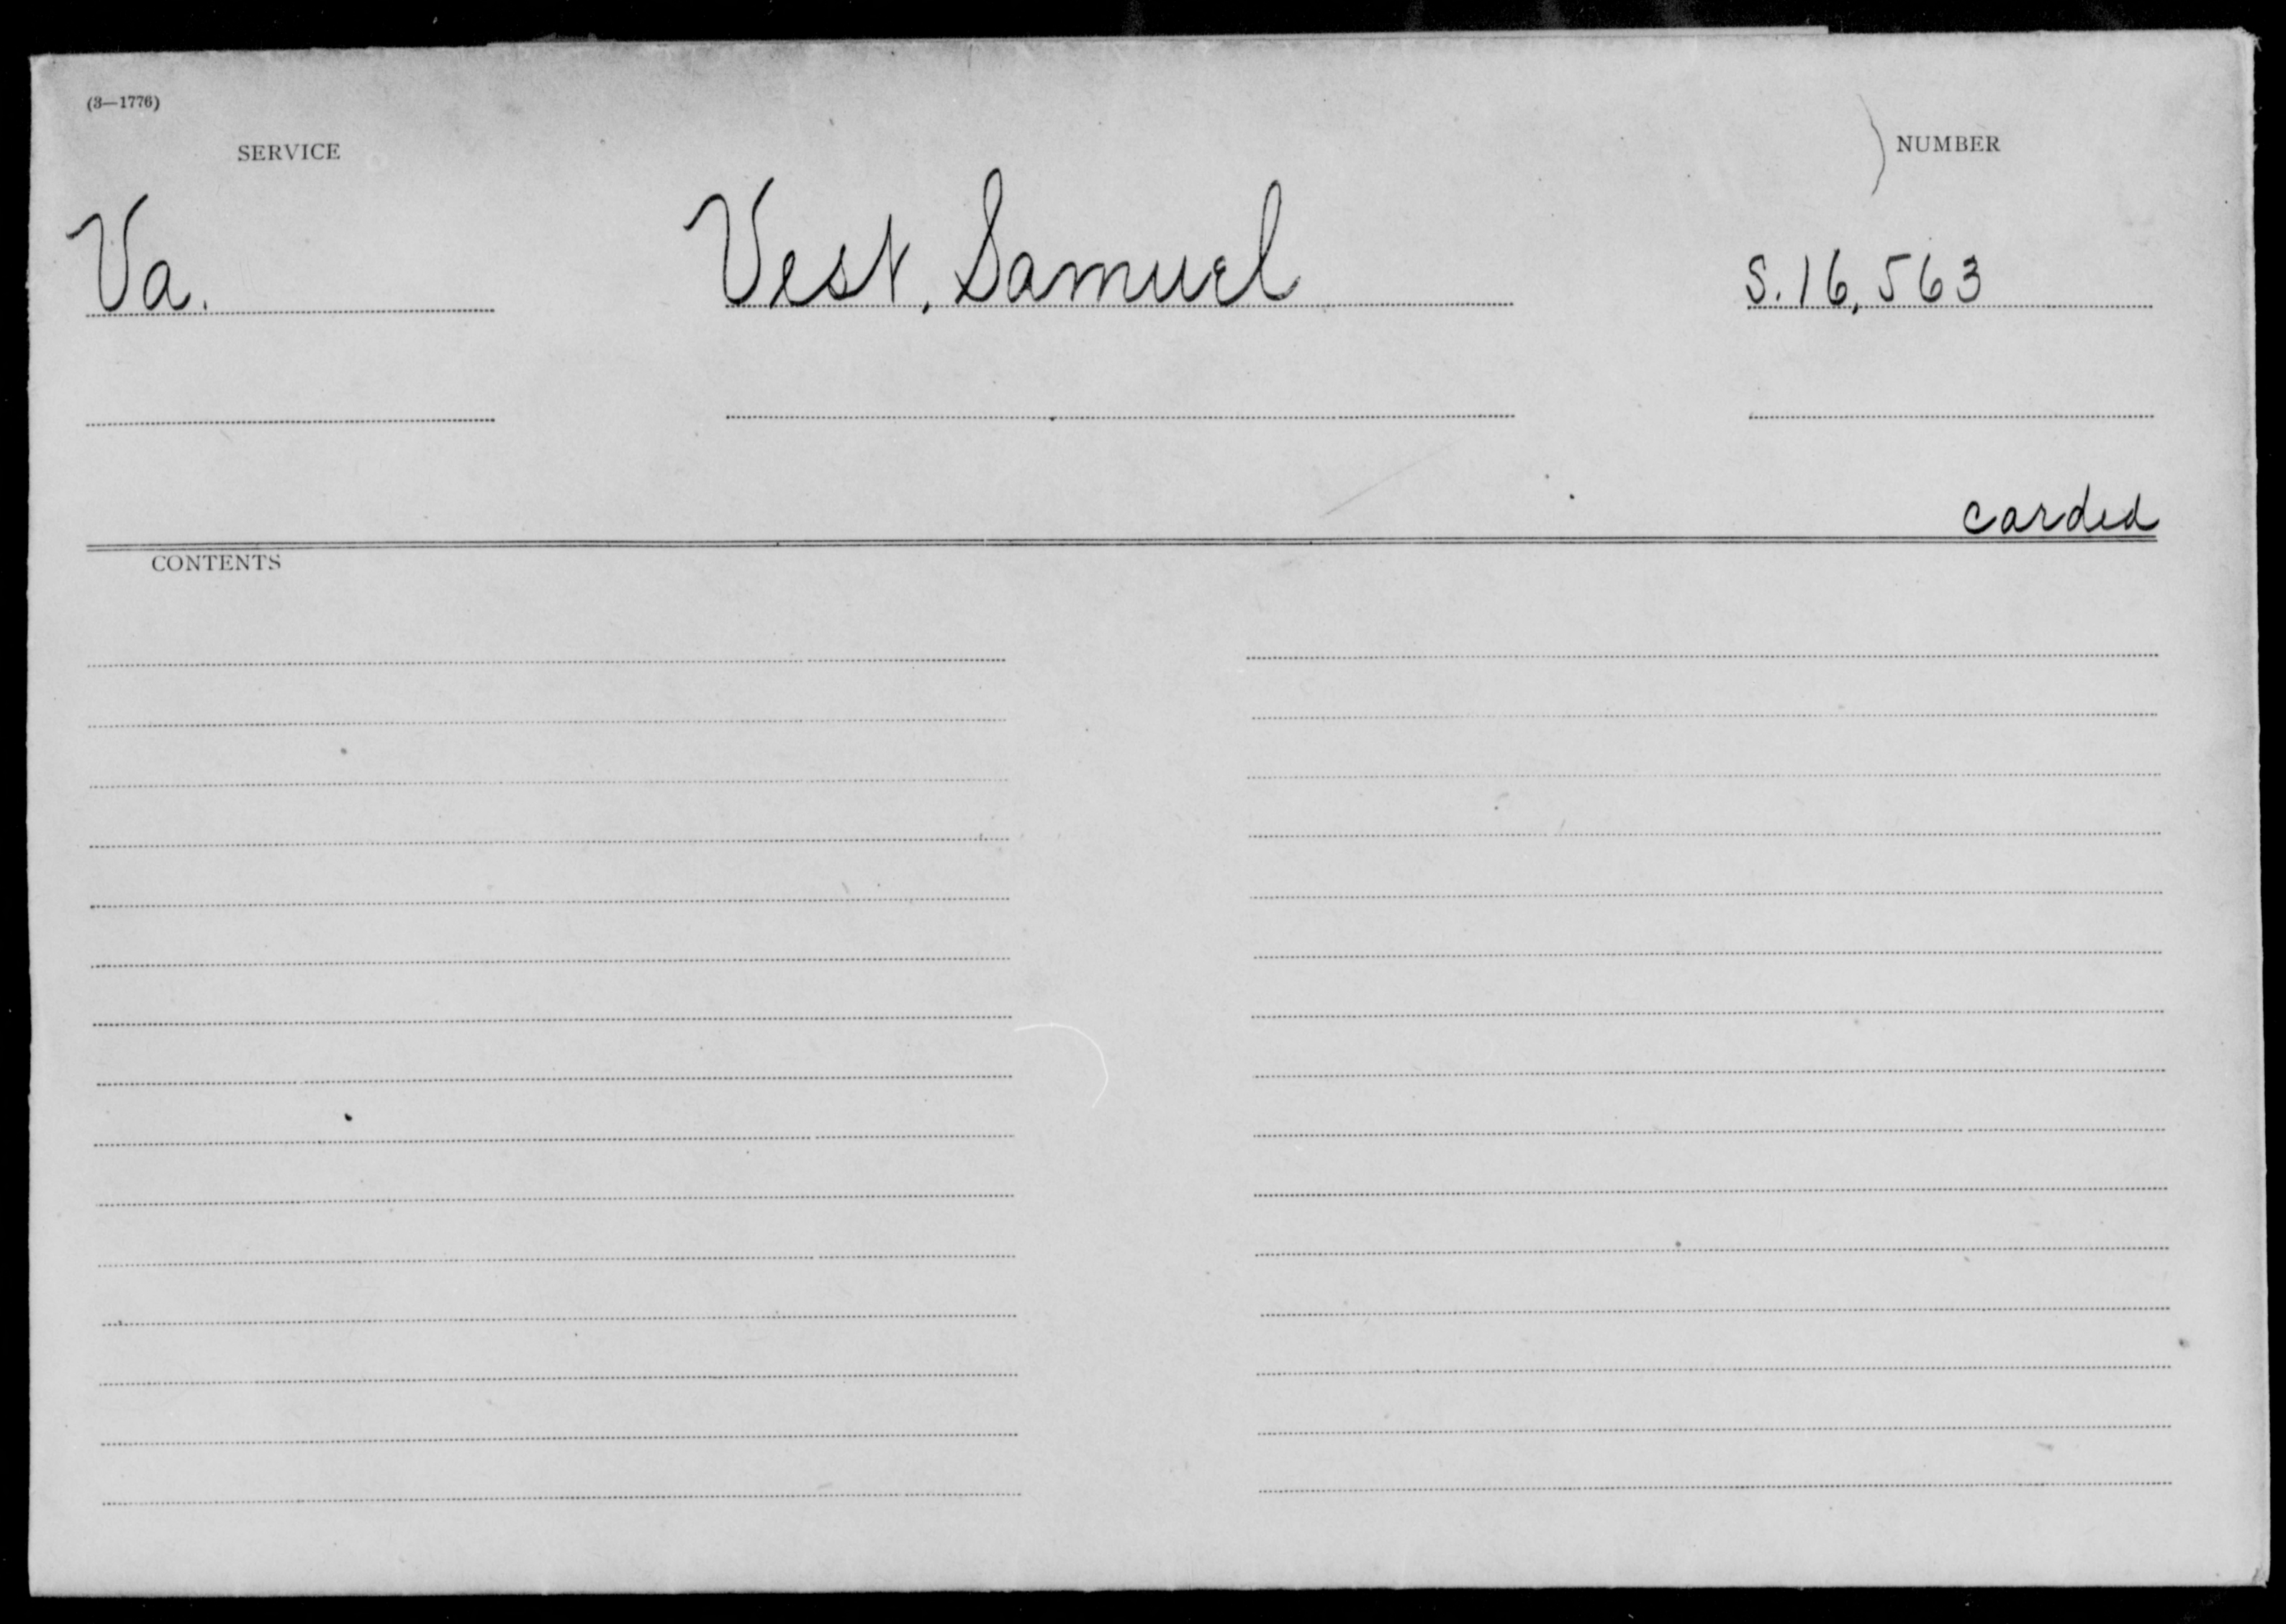[typed form, with handwritten responses]

[3-1776]

SERVICE
Va.

Vest, Samuel

NUMBER
S.16,563

carded
CONTENTS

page: 1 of 15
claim: survivor's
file: S. 16,563, Samuel Vest, Va.